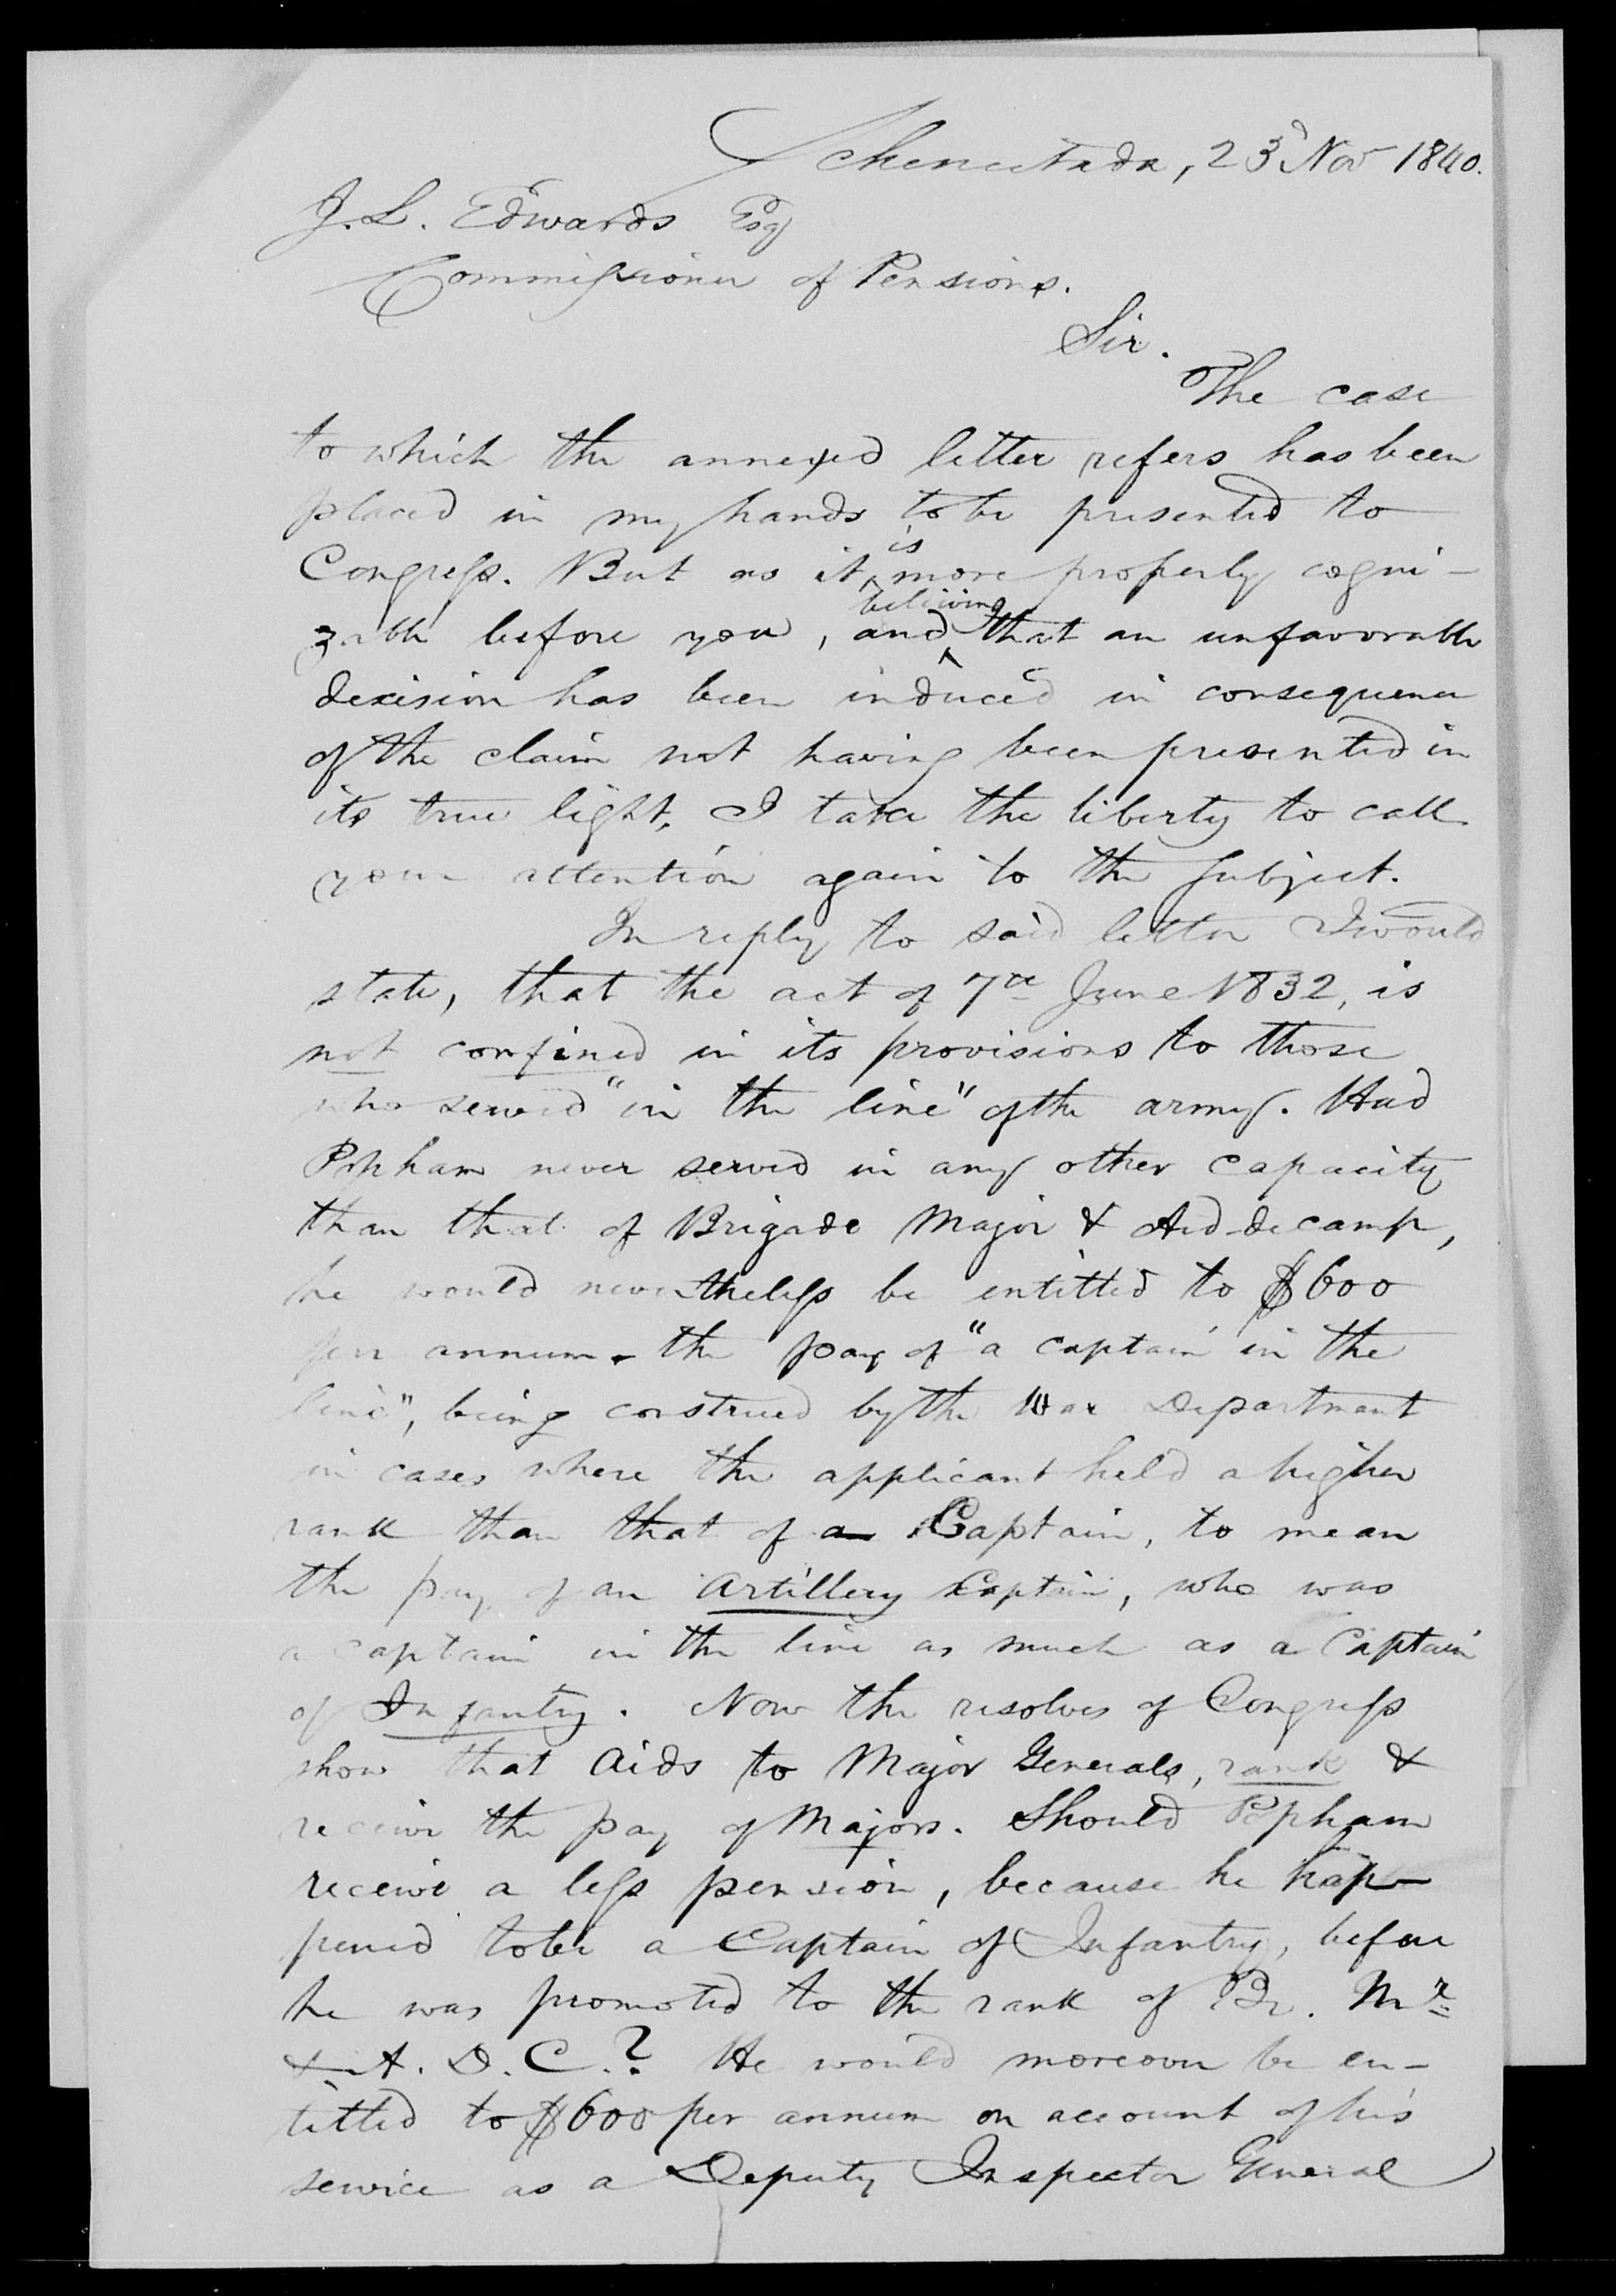Schenectada, 23 Nov 1840.
J. L. Edwards Esq
Commissioner of Pensions
Sir
The case
to which the annexed letter refers has been
placed in my hands to be presented to
Congress. But as it ^is more property cognizath
before you, and ^believe that an unfavorable
decision has been induced in consequence
of the claim not having been presented in
its true light, I take the liberty to call
your attention again to the subject.
In reply to said letter I would
state, that the act of 7th June 1832, is
not confined in its provisions to those
who served" in the line" of the army. Had
Popham never served in any other capacity
than that of Brigade Major & Aid decamp
he would nevertheless be entitled to $600
per annum the pay of "a captain in the line"
, being construed by the War Department
in cases where the applicant held a higher
rank than that of a Captain, to mean
the pay of an Artillery captain, who was a
Captain in the line as much as a Captain
of Infantry. Now the resolves of Congress
show that aids to Major Generals, rank &
receive the pay of Majors. Should Popham
receive a less pension, because he has
poned to be a Captain of Infantry, before
he was promoted to the rank of Br. Mjr [illegible]. D. C.?  He would moreover be entitled
to $600 per annum on account of his
service as a Deputy Inspector General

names: J L Edwards; [BLANK] Popham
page: 53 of 75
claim: survivor's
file: S. 9989, for William Popham, Delaware